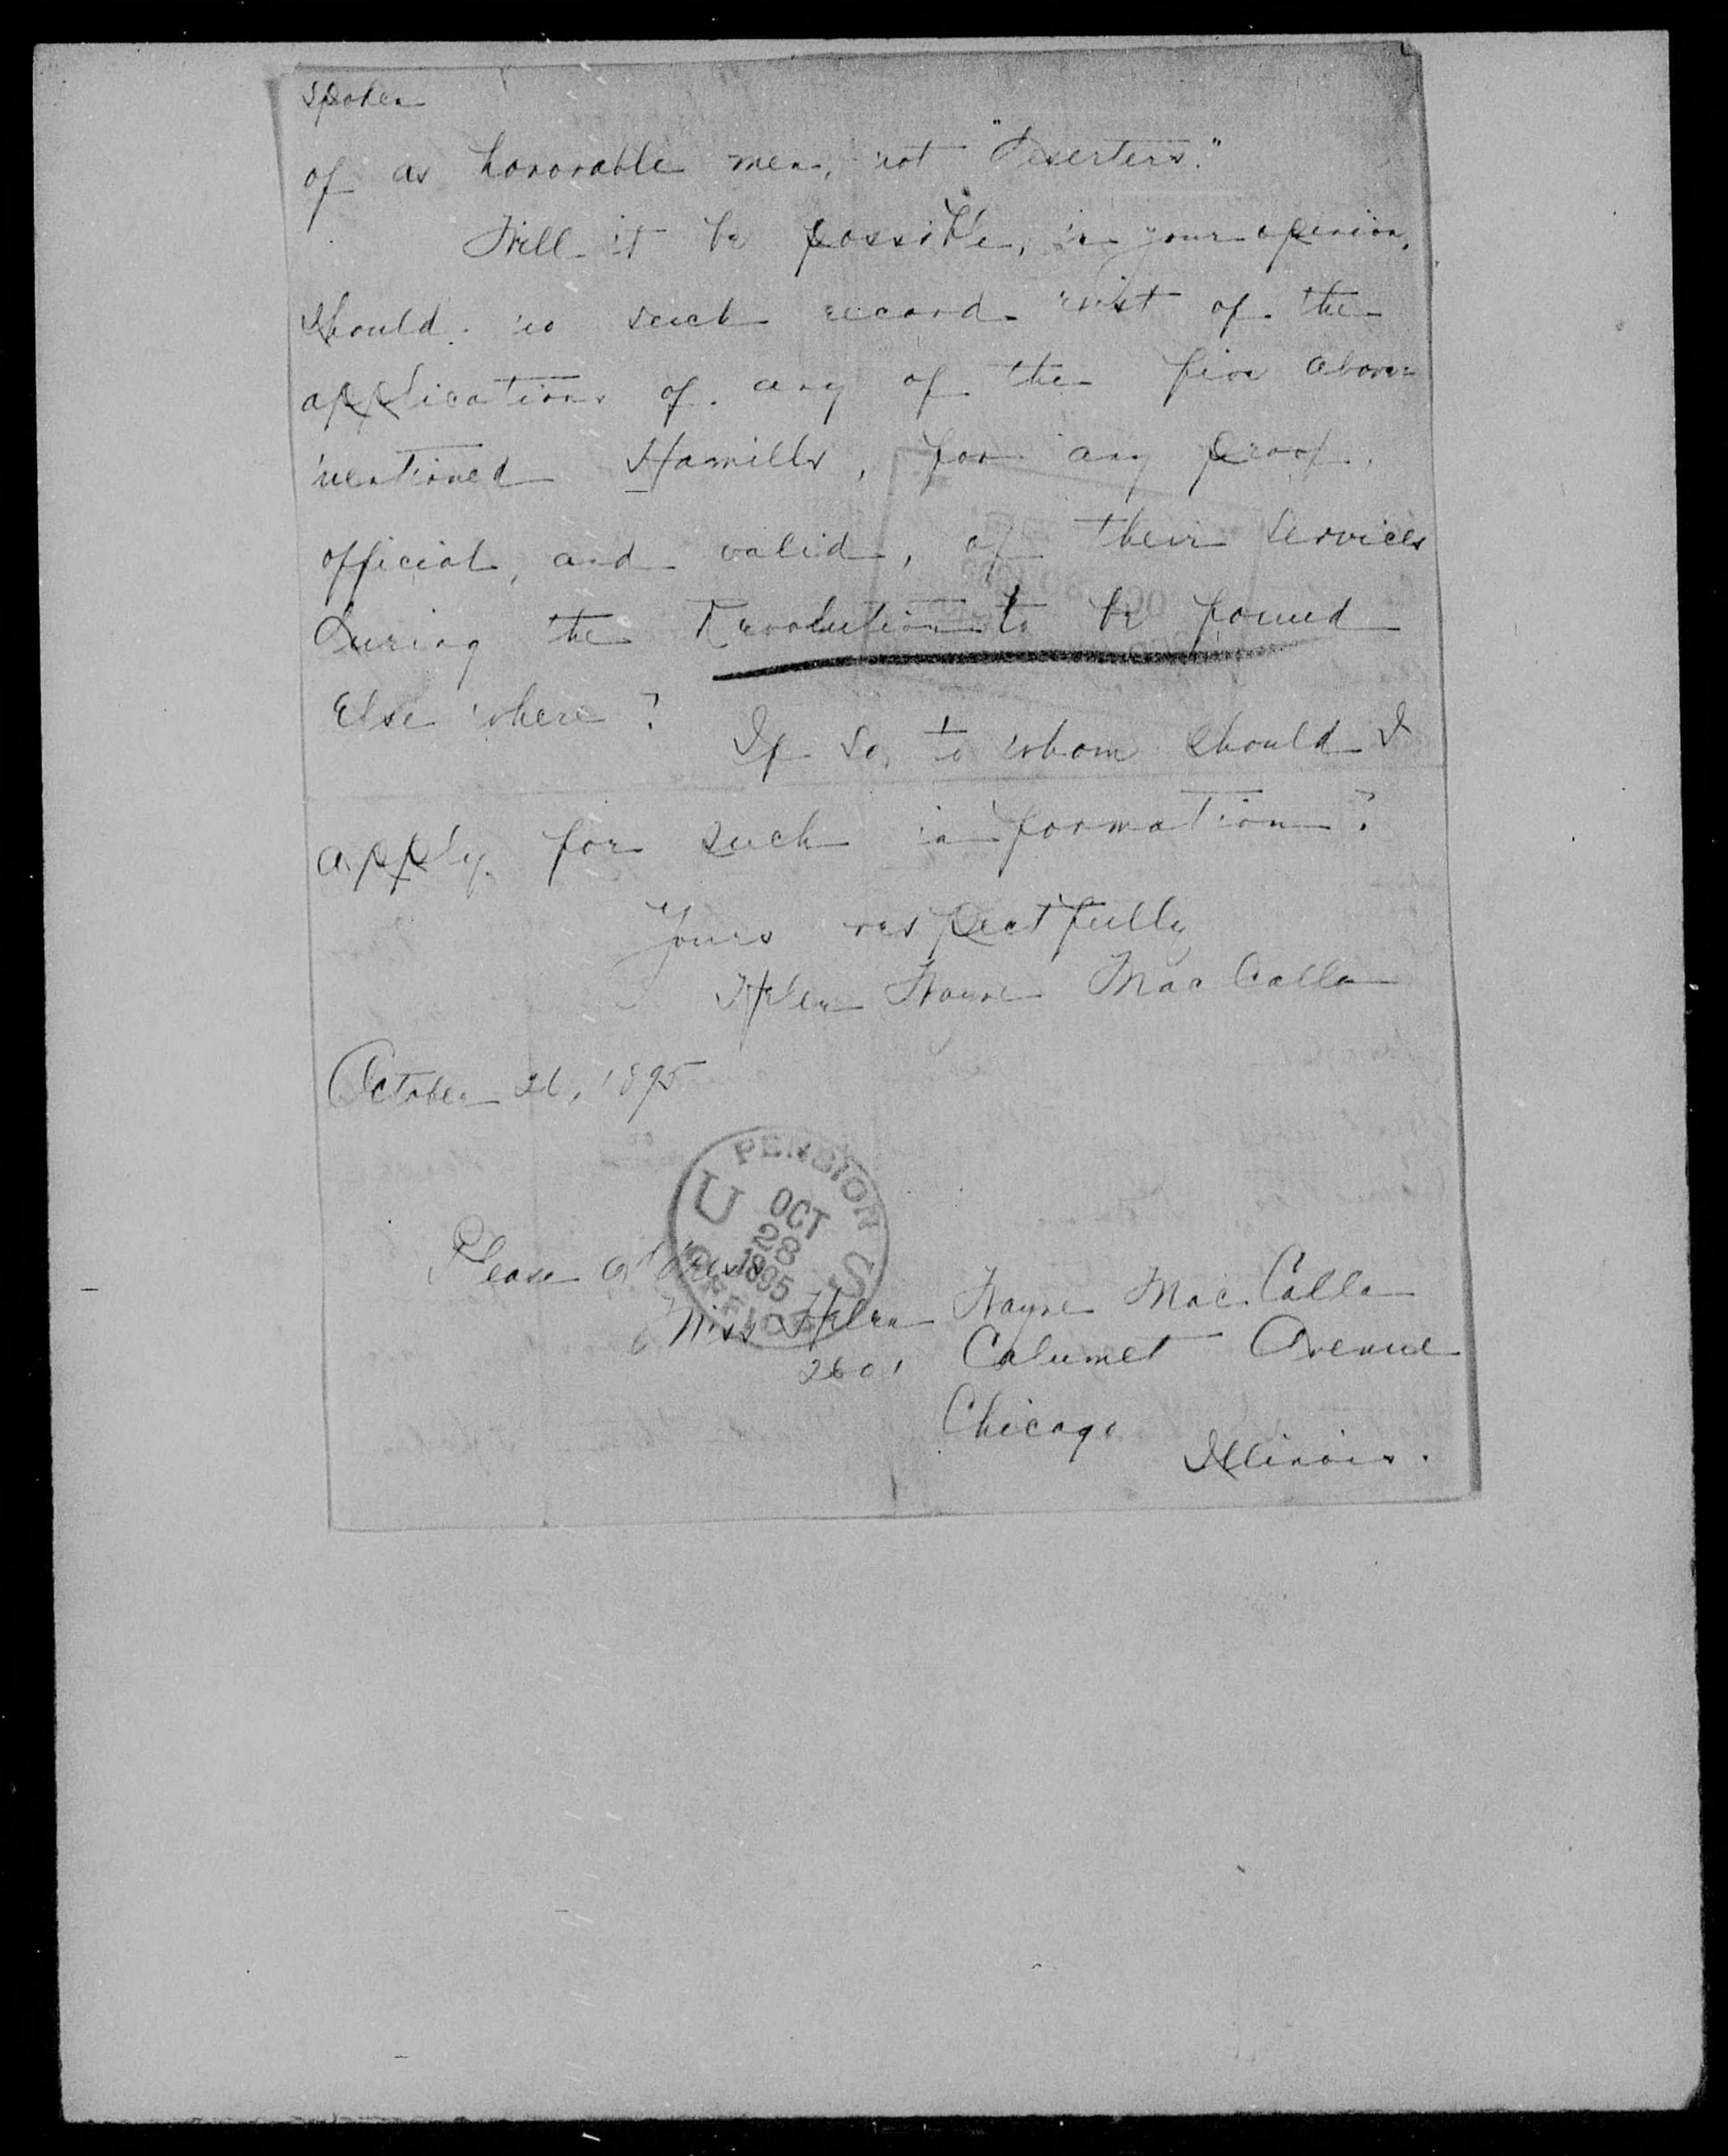spoken of as honorable men, not "deserters."

Will it be possible, in your opinion
should no such records exist of the
application of any of the five above
mentioned Hamills, for any proof, official, and
valid, of their services during the Revolution to
be found elsewhere?

If so, to whom should I apply for such information?
Yours respectfully
Helen Wayne Mac Calla

October 26, 1895
[Circular stamp: U S Pension Office  Oct 28 1895]

Please address
Miss Helen Wayne Mac Calla
2601 Calumet Avenue
Chicago
Illinois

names: Helen Wayne Mac Calla, Helen Wayne Mac Calla, Hamill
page: 45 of 92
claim: widow's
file: W 1173, Robert Hamill, Penn.